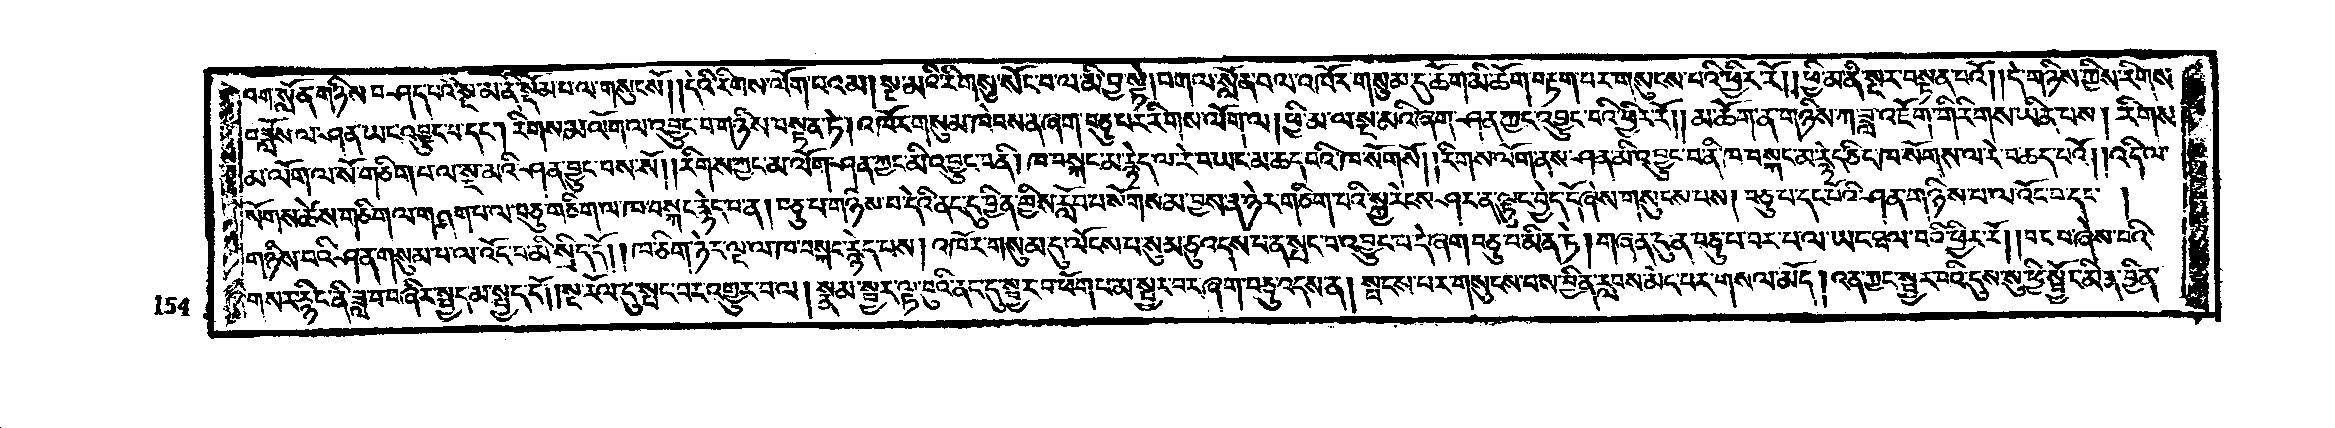བག་སློན་གཉིས་བཤད་པའི་སྔ་མ་ནི་སྡོམ་པ་ལ་གསུངས་སོ། །དེའི་རིགས་ལོག་པའམ། སྔ་མའི་རིགས་སུ་སོང་བ་ལ་མི་བྱ་སྟེ། བག་ལ་སློན་པ་ལ་འཁོར་གསུམ་དུ་ཆོག་མི་ཆོག་བརྟག་པར་གསུངས་པའི་ཕྱིར་རོ། ཕྱི་མ་ནི་སྔར་བསྟན་པའོ། །དེ་གཉིས་ཀྱིས་རིགས་
བསློབ་ལ?་བཤན་ཡང་འབྱུང་བ་དང་། རིགས་མ་ལོག་ལ་འབྱུང་བ་གཉིས་བསྟན་ཏེ། འཁོར་གསུམ་ཁེབས་ན་ཞག་བཅུ་པར་རིགས་ལོག་ལ། ཕྱི་མ་ལ་སྔ་མའི་ཞག་ཤན་ཀྱང་འབྱུང་བའི་ཕྱིར་རོ། །མ་ཆོག་ན་གཉིས་ཀ་ཟླ་འཇོག་གི་རིགས་ཡིན་པས། རིགས་
མ་ལོག་ལ་སོ་གཅིག་པ་ལ་སྔ་མའི་ཤན་བྱུང་བས་སོ། །རིགས་ཀྱང་མ་ལོག་ཤན་ཀྱང་མི་འབྱུང་བ་ནི། ཁ་བསྐང་མ་རྙེད་ལ་རེ་བ་ཡང་མ་ཆད་པའི་ཁ་སོགས་སོ། །རིགས་ལོག་ནས་ཤན་མི་འབྱུང་བ་ནི་ཁ་བསྐང་མ་རྙེད་ཅིང་ཁ་སོགས་ལ་རེ་བ་ཆད་པའོ། །འདི་ཁ་
སོགས་ཚེས་གཅིག་ལ་གཞག་པ་ལ་བཅུ་གཅིག་ལ་ཁ་བསྐང་རྙེད་པ་ན། བཅུ་པ་གཉིས་པ་དེའི་ནང་དུ་བྱིན་གྱིས་རློབ་པ་སོགས་མ་བྱས་ན་ཉེར་གཅིག་པའི་སྐྱ་རེངས་ཤར་ན་ལྟུང་བྱེད་དོ་ཞེས་གསུངས་པས། བཅུ་པ་དང་པོའི་ཤན་གཉིས་པ་ལ་འོང་བ་དང་།
གཉིས་པའི་ཤན་གསུམ་བ་ལ་འོང་བ་མི་སྲིད་དོ། །ཁ་ཅིག་ཉེར་ལྔ་ལ་ཁ་བསྐང་རྙེད་པས། འཁོར་གསུམ་དུ་ལོངས་བ་སུམ་ཅུ་འདས་པ་ན་སྤང་བ་འབྱུང་བ་དེ་ཞག་བཅུ་པ་མིན་ཏེ། གཞན་དུ་ན་བཅུ་པ་བར་པ་ལ་ཡང་ཐལ་བའི་ཕྱིར་རོ། །བང་བ་ཞེས་པའི་
གསར་རྙིང་ནི་ཟླ་བ་བཞིར་སྤྱད་མ་སྤྱད་དོ། །སྔ་རོལ་དུ་སྤང་བར་འགྱུར་བ་ལ། སྣམ་སྦྱར་ལྟ་བུའི་ནང་དུ་སྐྱར་བ་ཕོག་པ་མ་སྦྱར་བར་ཞག་བཅུ་འདས་ན། སྤངས་པར་གསུངས་པས་བྱིན་རླབས་མེད་པར་གསལ་མོད། འོན་ཀྱང་སྦྱར་བའི་དུས་སུ་ཕྱི་སྦྱོར་མན་བྱིན་